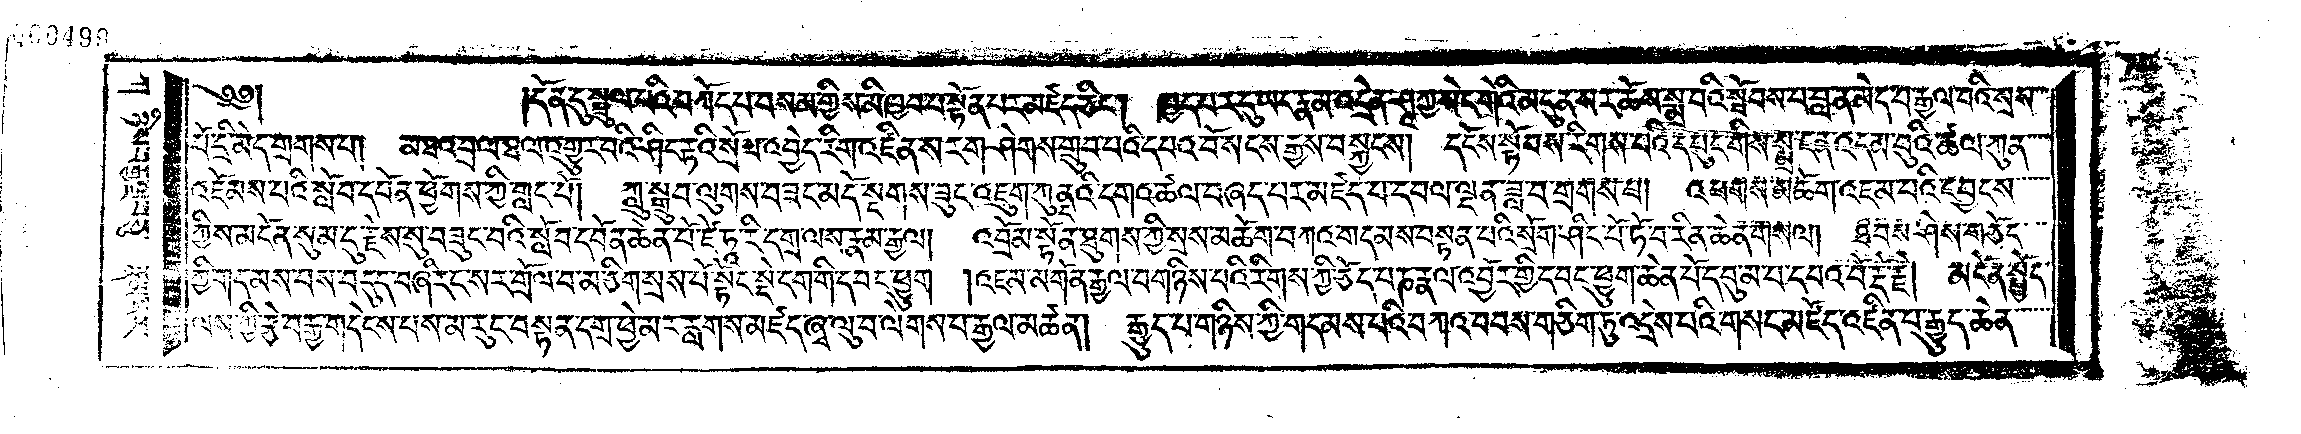༄༅། །དོན་དུ་སྤྲུལ་པའི་བཀོད་པ་བསམ་གྱིས་མི་ཁྱབ་པ་སྟོན་པར་མཛད་ཅིང་། ཁྱད་པར་དུ་ཡང་རྣམ་འདྲེན་ཤཱཀྱ་སེང་གེའི་མདུན་སར་ཆོས་སྨྲ་བའི་སྤོབས་པ་བླ་ན་མེད་པ་རྒྱལ་བའི་སྲས་
པོ་དྲི་མེད་གྲགས་པ། མཐའ་བྲལ་ཐལ་འགྱུར་བའི་ཤིང་རྟའི་སྲོལ་འབྱེད་རིག་འཛིན་སར་གཤེགས་གྲུབ་པའི་དབའ་བོ་སངས་རྒྱས་བསྐྱངས། དངོས་སྟོབས་རིགས་པའི་དཔུང་གིས་སྨྲ་ངན་འདམ་བུའི་ཚལ་ཀུན་
འཇོམས་པའི་སློབ་དཔོན་ཕྱོགས་ཀྱི་གླང་པོ། ཀླུ་སྒྲུབ་ལུགས་བཟང་མདོ་སྔགས་ཟུང་འཇུག་ཀུནྡའི་དགའ་ཚལ་བཞད་པར་མཛད་པ་དཔལ་ལྡན་ཟླ་བ་གྲགས་པ། འཕགས་མཆོག་འཇམ་པའི་དབྱངས་
ཀྱིས་མངོན་སུམ་དུ་རྗེས་སུ་བཟུང་བའི་སློབ་དཔོན་ཆེན་པོ་ཛེ་ཏཱ་རི་དགྲ་ལས་རྣམ་རྒྱལ། འབྲོམ་སྟོན་ཐུགས་ཀྱི་སྲས་མཆོག་བཀའ་གདམས་བསྟན་པའི་སྲོག་ཤིང་པོ་ཏོ་བ་རིན་ཆེན་གསལ། ཐབས་ཤེས་གཅོད་
ཀྱི་གདམས་པས་བདུད་བཞི་རང་སར་གྲོལ་བ་མ་ཅིག་སྲས་པོ་སྟོང་སྡེ་དག་གི་དབང་ཕྱུག །འཇམ་མགོན་རྒྱལ་བ་གཉིས་པའི་རིགས་ཀྱི་ཅོད་པཎ་རྣལ་འབྱོར་གྱི་དབང་ཕྱུག་ཆེན་པོ་དབུ་མ་པ་དཔའ་བོ་རྡོ་རྗེ། མངོན་སྤྱོད་
ལས་ཀྱི་རྩེ་བརྒྱ་གདེངས་པས་མ་རུང་བསྟན་དགྲ་ཕྱེ་མར་རླགས་མཛད་ཞྭ་ལུ་བ་ལེགས་པ་རྒྱལ་མཚན། རྒྱུད་པ་གཉིས་ཀྱི་གདམས་པའི་བཀའ་བབས་གཅིག་ཏུ་འདྲེས་པའི་གསང་མཛོད་འཛིན་པ་རྒྱུད་ཆེན་